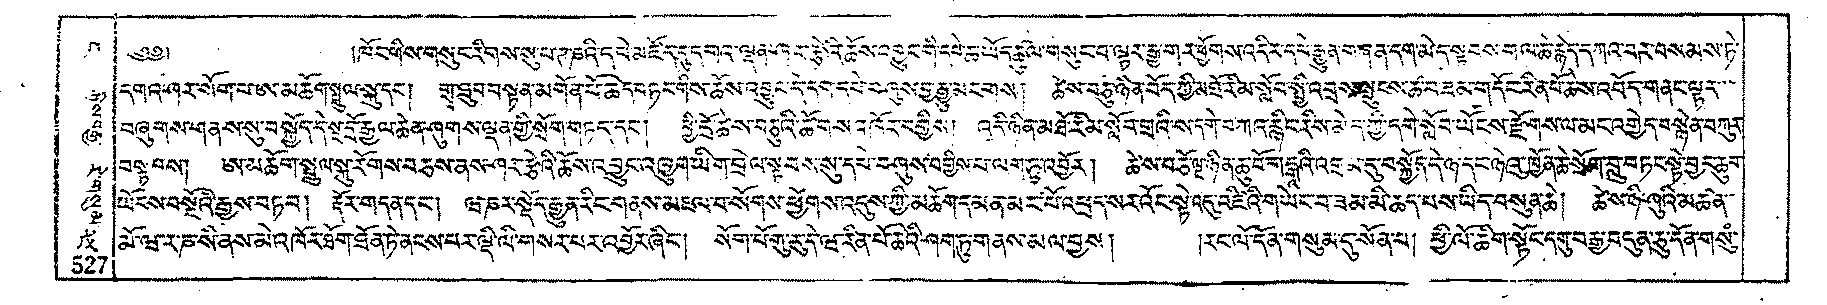༄༅། །ཁོང་གིས་གསུང་རིགས་སུ་པ་ཊ་ཎའི་དཔེ་མཛོད་དུ་དགའ་ལྡན་ཤར་རྩེའི་ཆོས་འབྱུང་གི་དཔེ་ཆ་ཡོད་ཚུལ་གསུང་བ་ལྟར་རྒྱ་གར་ཕྱོགས་འདིར་དཔེ་རྒྱུན་གཞན་དག་མེད་སྟབས་གལ་ཆེ་རྙེད་དཀའ་བར་བསམས་ཏེ་
དགའ་ཤར་སོག་པ་ཨ་མཆོག་སྤྲུལ་སྐུ་དང་། གྲྭ་ཐུབ་བསྟན་མགོན་པོ་ཆེད་བཏང་གིས་ཆོས་འབྱུང་དེ་དག་དཔེ་བཤུས་བྱ་རྒྱུ་མངགས། ཚེས་བཅུ་ཉིན་བོད་ཀྱི་མཐོ་རིམ་སློབ་སྤྱི་འབྲས་སྤུངས་ཚ་བ་ཟམ་གདོང་རིན་པོ་ཆེས་འབོད་གནང་ལྟར་
བཞུགས་གནས་སུ་བསྐྱོད་དེ་སྔ་དྲོ་རྒྱལ་ཆེན་ཤུགས་ལྡན་གྱི་སྲོག་གཏད་དང་། ཕྱི་དྲོ་ཚེས་བཅུའི་ཚོགས་འཁོར་བགྱིས། འདི་ཉིན་མཐོ་རིམ་སློབ་གྲའི་ས་དགེ་བཀའ་རྙིང་རིས་མེད་ཀྱི་དགེ་སློབ་ཡོངས་རྫོགས་ལ་མང་འགྱེད་བསྙེན་བཀུར་
བསྟབས། ཨ་མཆོག་སྤྲུལ་སྐུ་རོགས་བཅས་ནས་ཤར་རྩེའི་ཆོས་འབྱུང་འཁྱུག་ཡིག་བྲེལ་སྟབས་སུ་དཔེ་བཤུས་བགྱིས་པ་ལག་ཏུ་འབྱོར། ཚེས་བཅོ་ལྔ་ཉིན་ཆུ་བོ་གངྒའི་འགྲམ་དུ་བསྐྱོད་དེ་ཉ་དང་ཉེའུ་ཁྱོན་ཆེ་སྲོག་བླུ་བཏང་སྟེ་བྱང་ཆུབ་
ཡོངས་བསྔོའི་རྒྱས་བཏབ། རྡོར་གདན་དང་། ཝ་ཎར་སྡོད་རྒྱུན་རིང་གནས་མཇལ་བ་སོགས་ཕྱོགས་འདུས་ཀྱི་མཆོག་དམན་མང་པོ་འཕྲད་སར་འོང་སྟེ་འདུ་འཛིའི་གཡེང་བ་ཟམ་མི་ཆད་པས་ཡིད་བསུན་ཆེ། ཚེས་ཉི་ཤུའི་མཚན་
མོ་ཝ་ར་ཎ་སི་ནས་མེ་འཁོར་ཐོག་ཐོན་ཏེ་ནངས་པར་ལྡི་ལི་གསར་པར་འབྱོར་ཞིང་། སོག་པོ་གུ་རུ་དེ་ཝ་རིན་པོ་ཆེའི་ཤག་ཏུ་གནས་མལ་བྱས། །རང་ལོ་དོན་གསུམ་དུ་སོན་པ། ཕྱི་ལོ་ཆིག་སྟོང་དགུ་བརྒྱ་བདུན་ཅུ་དོན་གསུམ་